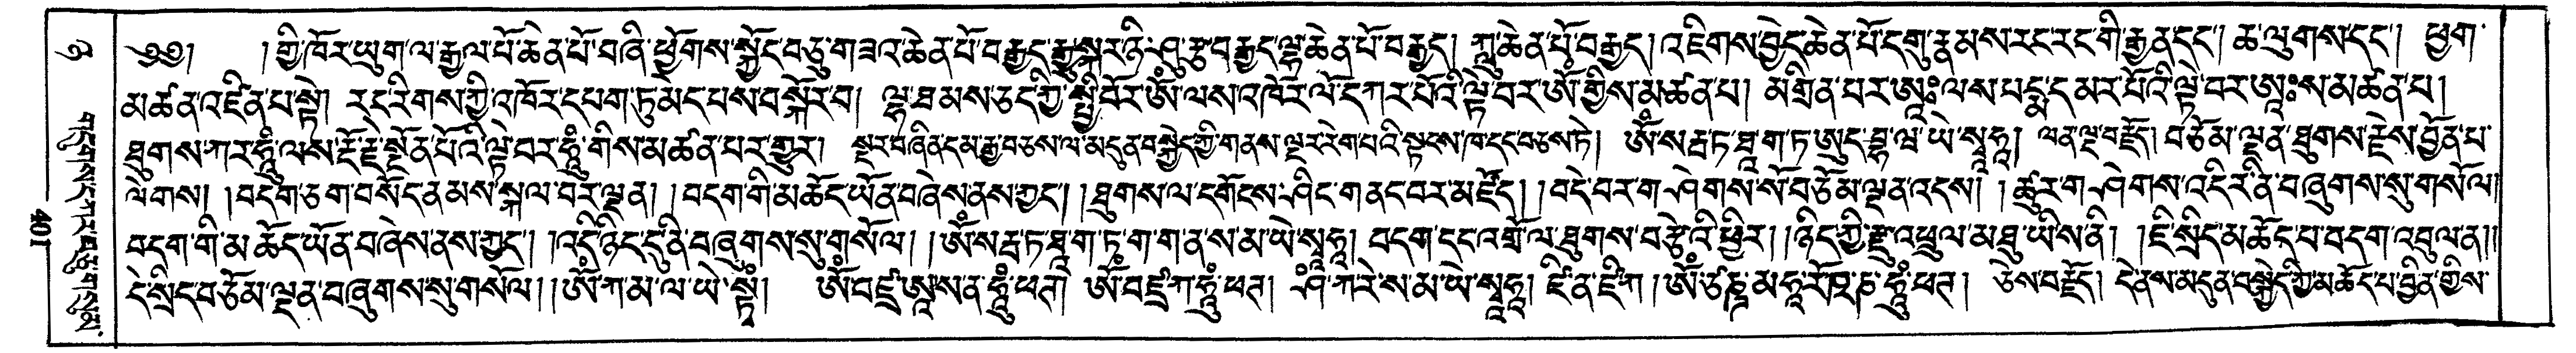༄༅། །གྱི་ཁོར་ཡུག་ལ་རྒྱལ་པོ་ཆེན་པོ་བཞི་ཕྱོགས་སྐྱོང་བཅུ་གཟའ་ཆེན་པོ་བརྒྱད་རྒྱུ་སྐར་ཉི་ཤུ་རྩ་བརྒྱད་ལྷ་ཆེན་པོ་བརྒྱད། ཀླུ་ཆེན་པོ་བརྒྱད། འཇིགས་བྱེད་ཆེན་པོ་དགུ་རྣམས་རང་རང་གི་རྒྱན་དང་། ཆ་ལུགས་དང་། ཕྱག་
མཚན་འཛིན་པ་སྟེ། རང་རིགས་ཀྱི་འཁོར་དཔག་ཏུ་མེད་པས་བསྐོར་བ། ལྷ་ཐམས་ཅད་ཀྱི་སྤྱི་བོར་ཨོཾ་ལས་འཁོར་ལོ་དཀར་པོའི་ལྟེ་བར་ཨོཾ་གྱིས་མཚན་པ། མགྲིན་པར་ཨཱཿ ལས་པདམ་དམར་པོའི་ལྟེ་བར་ཨཱཿ ས་མཚན་པ།
ཐུགས་ཀར་ཧཱུཾ་ལས་རྡོ་རྗེ་སྔོན་པོའི་ལྟེ་བར་ཧཱུཾ་གིས་མཚན་པར་གྱུར། སྔར་བཞིན་དམ་རྒྱ་བཅས་ལ་མདུན་བསྐྱེད་ཀྱི་གནས་ལྔར་རེག་པའི་སྟངས་ཁ་དང་བཅས་ཏེ། ཨོཾ་སརྦ་ཏ་ཐཱ་ག་ཏ་ཨུད་བྷ་ཝ་ཡེ་སྭཱཧཱ། ལན་ལྔ་བརྗོད། བཅོམ་ལྡན་ཐུགས་རྗེས་བྱོན་པ་
ལེགས། །བདག་ཅག་བསོད་ནམས་སྐལ་བར་ལྡན། །བདག་གི་མཆོད་ཡོན་བཞེས་ནས་ཀྱང་། །ཐུགས་ལ་དགོངས་ཤིང་གནང་བར་མཛོད། །བདེ་བར་གཤེགས་སོ་བཅོམ་ལྡན་འདས། །ཚུར་གཤེགས་འདིར་ནི་བཞུགས་སུ་གསོལ།
བདག་གི་མཆོད་ཡོན་བཞེས་ནས་ཀྱང་། །འདི་ཉིད་དུ་ནི་བཞུགས་སུ་གསོལ། །ཨོཾ་སརྦ་ཏ་ཐཱ་ག་ཏ་ག་ག་ན་ས་མ་ཡེ་སྭཱ་ཧཱ། བདག་དང་འགྲོ་ལ་ཐུགས་བརྩེའི་ཕྱིར། །ཉིད་ཀྱི་རྫུ་འཕྲུལ་མཐུ་ཡིས་ནི། །ཇི་སྲིད་མཆོད་པ་བདག་འབུལ་ན།།
དེ་སྲིད་བཅོམ་ལྡན་བཞུགས་སུ་གསོལ། །ཨོཾ་ཀ་མ་ལ་ཡེ་སྟྭཾ། ཨོཾ་བཛྲ་ཨཱ་ས་ན་ཧཱུཾ་ཕཊ། ཨོཾ་བཛྲ་ཀ་ཧཱུཾ་ཕཊ། ཤཾ་ཀ་རེ་ས་མ་ཡེ་སྭཱ་ཧཱ། ཛི་ན་ཛི་ཀ། ཨོཾ་ཙཎྜ་མ་ཧཱ་རོ་ཥ་ཎ་ཧཱུཾ་ཕཊ། ཅེས་བརྗོད། དེ་ནས་མདུན་བསྐྱེད་ཀྱི་མཆོད་པ་བྱིན་གྱིས་